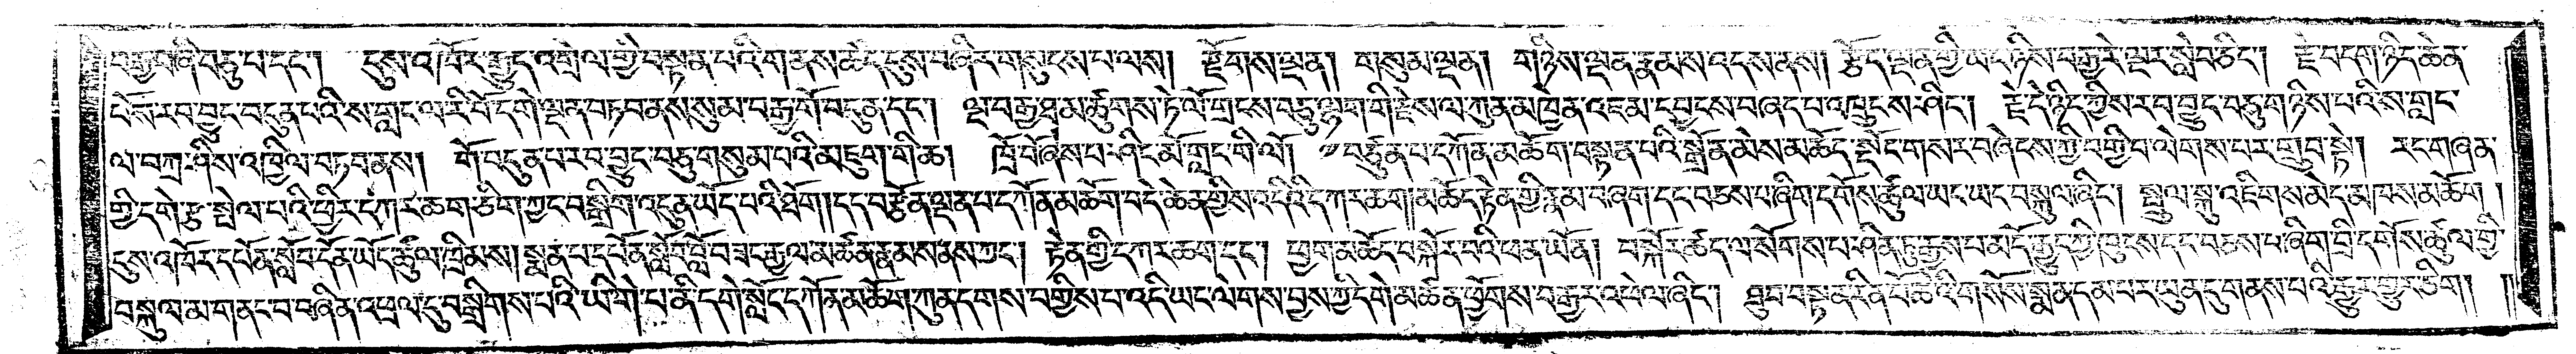བརྒྱ་བཞི་བཅུ་པ་དང་། དུས་འཁོར་རྒྱུད་འགྲེལ་གྱི་བསྟན་པའི་གནས་ཚང་དུས་བཞིར་གསུངས་པ་ལས། རྫོགས་ལྡན། གསུམ་ལྡན། གཉིས་ལྡན་རྣམས་འདས་ནས། རྩོད་ལྡན་གྱི་ཡང་ཉིས་བརྒྱ་རེ་ལྔར་སླེབ་ཅིང་། རྗེ་བདག་ཉིད་ཆེན།
པོས་རབ་བྱུང་བདུན་པའི་ས་གླང་ལ་རི་བོ་དགེ་ལྡན་བཏབ་ནས་སུམ་བརྒྱ་གོ་བདུན་དང་། ལྔ་བརྒྱ་ཐ་མ་ཚུགས་ཏེ་ལོ་གྲངས་བཅུ་ལྷག་གི་རྗེས་ལ་ཀུན་མཁྱེན་འཇམ་དབྱངས་བཞད་པ་འཁྲུངས་ཤིང་། རྗེ་དེ་ཉིད་ཀྱིས་རབ་བྱུང་བཅུ་གཉིས་པའི་ས་གླང་
ལ་བཀྲ་ཤིས་འཁྱིལ་བཏབ་ནས། གོ་བདུན་པ་རབ་བྱུང་བཅུ་གསུམ་པའི་མཇུག་གི་ཆ། ཁྲོ་བོ་ཞེས་པ་ཤིང་མོ་གླང་གི་ལོ། ༧བཙུན་པ་དཀོན་མཆོག་བསྟན་པའི་སྒྲོན་མེས་མཆོད་སྡོང་གསར་བཞེངས་ཀྱི་བགྱི་བ་ལེགས་པར་གྲུབ་སྟེ། རང་གཞན་
གྱི་དགེ་རྩ་སྤེལ་བའི་ཕྱིར་དཀར་ཆག་ཅིག་ཀྱང་བསྒྲིག་འདུན་ཡོད་པའི་ཐོག །དད་བརྩོན་ལྡན་པ་དཀོན་མཆོག་བདེ་ཆེན་གྱིས་འདིའི་དཀར་ཆག །མཆོད་རྟེན་གྱི་རྣམ་བཞག་དང་བཅས་པ་ཞིག་དགོས་ཚུལ་ཡང་ཡང་བསྐུལ་ཞིང་། སྤྲུལ་སྐུ་འཇིགས་མེད་མཁས་མཆོག །
དུས་འཁོར་དཔོན་སློབ་དོན་ཡོད་ཚུལ་ཁྲིམས། སྨན་པ་དཔོན་སློབ་བློ་བཟང་རྒྱལ་མཚན་རྣམས་ནས་ཀྱང་། རྟེན་གྱི་དཀར་ཆག་དང་། ཕྱག་མཆོད་བསྐོར་བའི་ཕན་ཡོན། བསྐོར་ཚང་ལ་སོགས་པ་ཤིན་ཏུ་རྒྱས་པ་མདོ་རྒྱུད་ཀྱི་ཁུངས་དང་བཅས་པ་ཞིག་བྲི་དགོས་ཚུལ་གྱི་
བསྐུལ་མ་གནང་བ་བཞིན་འཕྲལ་དུ་བསྒྲིགས་པའི་ཡི་གེ་པ་ནི་དགེ་སློང་དཀོན་མཆོག་ཀུན་དགས་བགྱིས་པ་འདི་ཡང་ལེགས་བྱས་ཀྱི་དགེ་མཚན་ཕྱོགས་བརྒྱར་འཕེལ་ཞིང་། ཐུབ་བསྟན་རིན་པོ་ཆེའི་གསོས་སྨན་དམ་པར་ཡུན་དུ་གནས་པའི་རྒྱུར་གྱུར་ཅིག། །